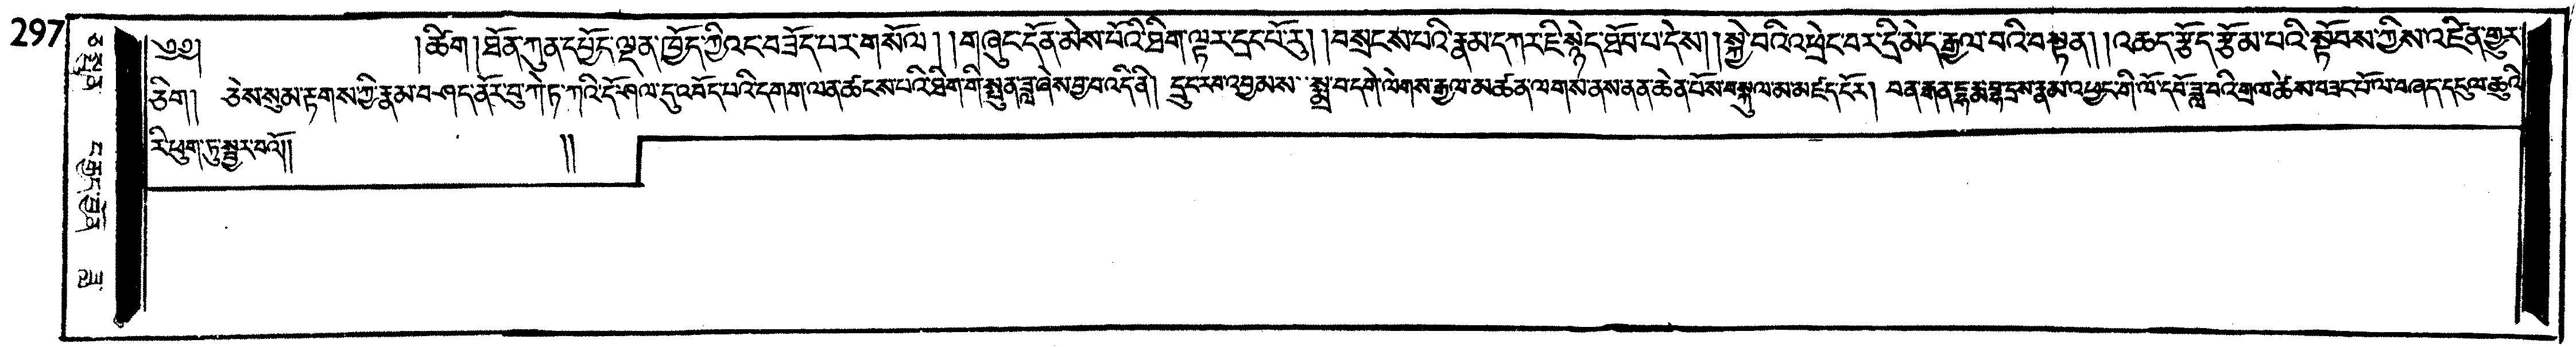༄༅། །ཚིག །ཐོན་ཀུན་དཔྱོད་ལྡན་ཁྱོད་ཀྱིའང་བཟོད་པར་གསོལ། །གཟུང་དོན་མེས་པོའི་ཐིག་ལྟར་དྲང་པོ་རུ། །བསྲངས་པའི་རྣམ་དཀར་ཇི་སྙེད་ཐོབ་པ་དེས། །སྐྱེ་བའི་འཕྲེང་བར་དྲི་མེད་རྒྱལ་བའི་བསྟན། །འཆད་རྩོད་རྩོམ་པའི་སྟོབས་ཀྱིས་འཛིན་གྱུར་
ཅིག། ཅེས་སུམ་རྟགས་ཀྱི་རྣམ་བཤད་ནོར་བུ་ཀེ་ཏ་ཀའི་དོ་ཤལ་དུ་འབོད་པའི་དགག་ལན་ཚངས་པའི་ཐིག་གི་སྤུན་ཟླ་ཞེས་བྱ་བ་འདི་ནི། དྲུང་རབ་འབྱམྶ་་་སྨྲ་བ་དགེ་ལེགས་རྒྱལ་མཚན་ལགས་ནས་ནན་ཆེན་པོས་བསྐུལ་མ་མཛད་ངོར། བན་རྒན་དྷརྨ་བྷ་དྲས་རྣམ་འཕྱང་གི་ལོ་དབོ་ཟླ་བའི་གྲལ་ཚེས་བཟང་པོ་ལ་བཞད་དངུལ་ཆུའི་
རི་ཕུག་ཏུ་སྦྱར་བའོ།། །།